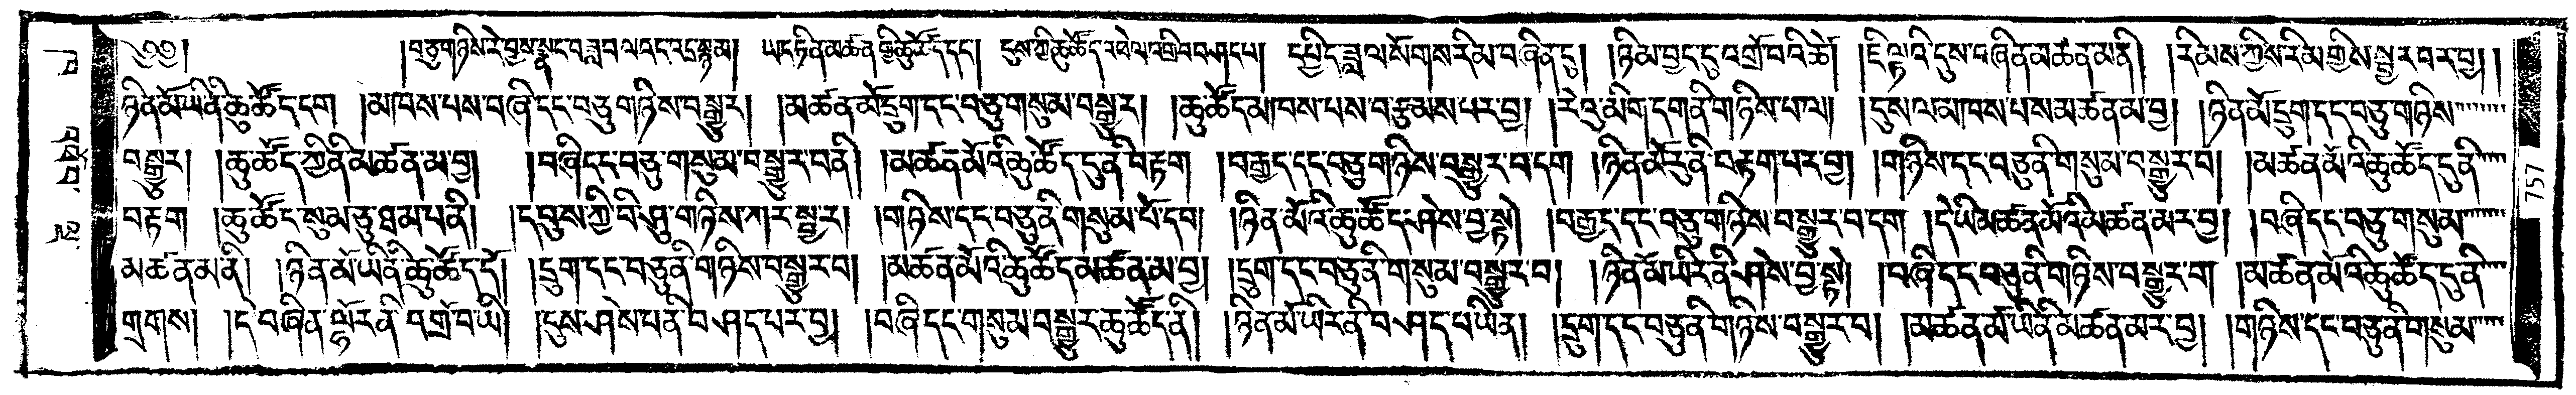༄༅། །བཅུ་གཉིས་རེ་བྱས་སྣང་བཟླབ་ལའང་འདྲ་སྙམ། ཡང་ཏིན་མཚན་གྱི་ཆུ་ཚོད་དང་། དུས་ཀྱི་ཆུ་ཚོད་འཕེལ་འགྲིབ་བཤད་པ། དཔྱིད་ཟླ་ལ་སོགས་རིམ་བཞིན་དུ། །ཉི་མ་བྱང་དུ་འགྲོ་བའི་ཚེ། །ཇི་ལྟའི་དུས་བཞིན་མཚན་མ་ནི། །རིམས་ཀྱིས་རིམ་གྱིས་སྦྱར་བར་བྱ།།
ཉིན་མོ་ཡི་ནི་ཆུ་ཚོད་དག །མཁས་པས་བཞི་དང་བཅུ་གཉིས་བསྒྱུར། །མཚན་མོ་དྲུག་དང་བཅུ་གསུམ་བསྒྱུར། །ཆུ་ཚོད་མཁས་པས་བརྩམས་པར་བྱ། །རེའུ་མིག་དག་ནི་གཉིས་པ་ལ། །དུས་ལ་མཁས་པས་མཚན་མ་བྱ། །ཉིན་མོ་དྲུག་དང་བཅུ་གཉིས་
བསྒྱུར། །ཆུ་ཚོད་ཀྱི་ནི་མཚན་མ་བྱ། །བཞི་དང་བཅུ་གསུམ་བསྒྱུར་བ་ནི། །མཚན་མོའི་ཆུ་ཚོད་དུ་ནི་བརྟག །བརྒྱད་དང་བཅུ་གཉིས་བསྒྱུར་བ་དག །ཉིན་མོ་རུ་ནི་བརྟག་པར་བྱ། །གཉིས་དང་བཅུ་ནི་གསུམ་བསྒྱུར་བ། །མཚན་མོའི་ཆུ་ཚོད་དུ་ནི་
བརྟག །ཆུ་ཚོད་སུམ་ཅུ་ཐམ་པ་ནི། །དབུས་ཀྱི་བི་ཤུ་གཉིས་ཀར་སྦྱར། །གཉིས་དང་བཅུ་ནི་གསུམ་པོ་དབ། །ཉིན་མོའི་ཆུ་ཚོད་ཤེས་བྱ་སྟེ། །བརྒྱད་དང་བཅུ་གཉིས་བསྒྱུར་བ་དག །དེ་ཡི་མཚན་མོའི་མཚན་མར་བྱ། །བཞི་དང་བཅུ་གསུམ་
མཚན་མ་ནི། །ཉིན་མོ་ཡི་ནི་ཆུ་ཚོད་དོ། །དྲུག་དང་བཅུ་ནི་གཉིས་བསྒྱུར་བ། །མཚན་མོའི་ཆུ་ཚོད་མཚན་མ་བྱ། །དྲུག་དང་བཅུ་ནི་གསུམ་བསྒྱུར་བ། །ཉིན་མོ་ཡིར་ནི་ཤེས་བྱ་སྟེ། །བཞི་དང་བཅུ་ནི་གཉིས་བསྒྱུར་བ། །མཚན་མོའི་ཆུ་ཚོད་དུ་ནི་
གྲགས། །དེ་བཞིན་ལྷོར་ནི་འགྲོ་བ་ཡི། །དུས་ཤེས་པ་ནི་བཤད་པར་བྱ། །བཞི་དང་གསུམ་བསྒྱུར་ཆུ་ཚོད་ནི། །ཉིན་མོ་ཡིར་ནི་བཤད་པ་ཡིན། །དྲུག་དང་བཅུ་ནི་གཉིས་བསྒྱུར་བ། །མཚན་མོ་ཡི་ནི་མཚན་མར་བྱ། །གཉིས་དང་བཅུ་ནི་གསུམ་